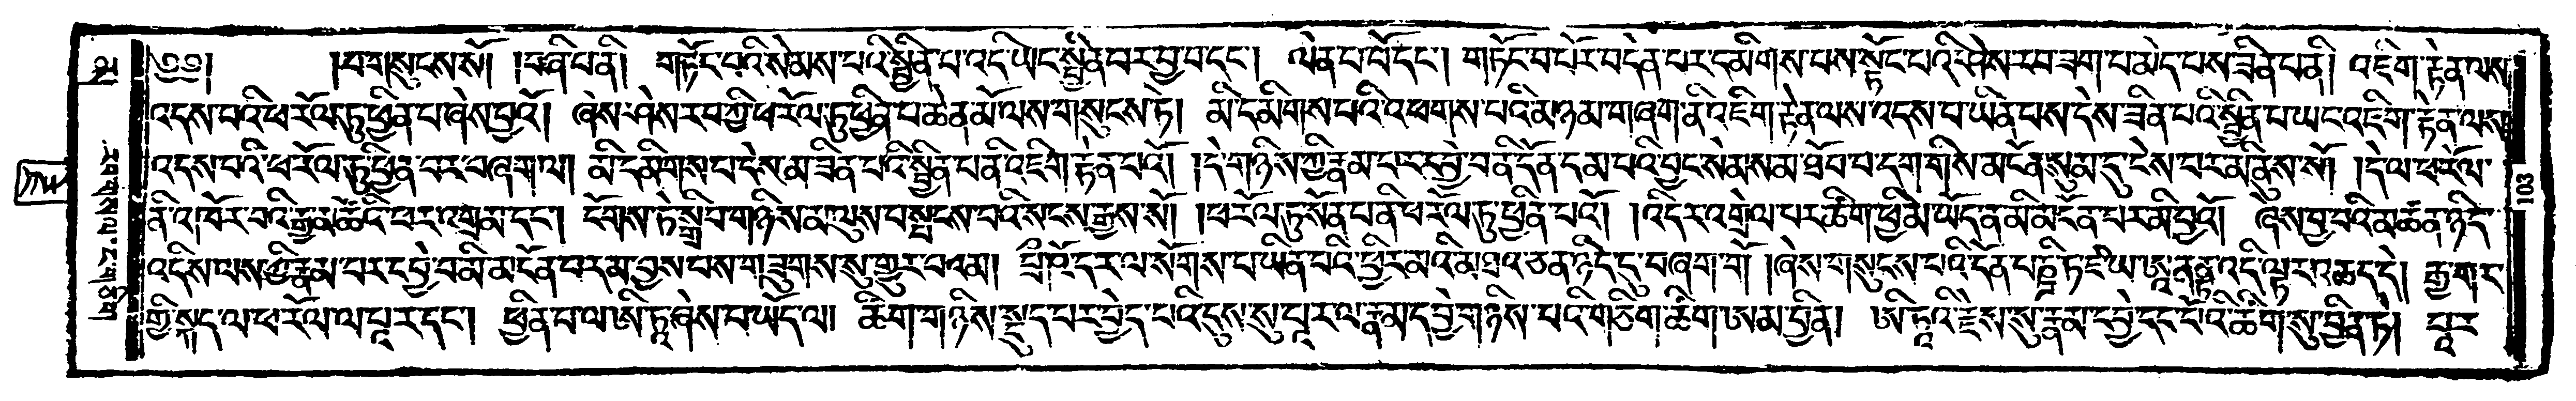༄༅། །བ་གསུངས་སོ། །བཞི་པ་ནི། གཏོང་བའི་སེམས་པའི་སྦྱིན་པ་འདི་ཡང་སྦྱིན་པར་བྱ་བ་དང་། ལེན་པ་པོ་དང་། གཏོང་བ་པོར་བདེན་པར་དམིགས་པས་སྟོང་པའི་ཤེས་རབ་ཟག་པ་མེད་པས་ཟིན་པ་ནི། འཇིག་རྟེན་ལས་
འདས་པའི་ཕ་རོལ་ཏུ་ཕྱིན་པ་ཞེས་བྱའོ། ཞེས་ཤེས་རབ་ཀྱི་ཕ་རོལ་ཏུ་ཕྱིན་པ་ཆེན་མོ་ལས་གསུངས་ཏེ། མི་དམིགས་པའི་འཕགས་པའི་མཉམ་གཞག་ནི་འཇིག་རྟེན་ལས་འདས་པ་ཡིན་པས་དེས་ཟིན་པའི་སྦྱིན་པ་ཡང་འཇིག་རྟེན་ལས་
འདས་པའི་ཕ་རོལ་ཏུ་ཕྱིན་པར་བཞག་ལ། མི་དམིགས་པ་དེས་མ་ཟིན་པའི་སྦྱིན་པ་ནི་འཇིག་རྟེན་པའོ། །དེ་གཉིས་ཀྱི་རྣམ་པར་དབྱེ་བ་ནི་དོན་དམ་པའི་བྱང་སེམས་མ་ཐོབ་པ་དག་གིས་མངོན་སུམ་དུ་ངེས་པར་མི་ནུས་སོ། །དེ་ལ་ཕ་རོལ་
ནི་འཁོར་བའི་རྒྱ་མཚོའི་ཕར་འགྲམ་དང་། ངོགས་ཏེ་སྒྲིབ་གཉིས་མ་ལུས་པ་སྤངས་པའི་སངས་རྒྱས་སོ། །ཕ་རོལ་ཏུ་སོན་པ་ནི་ཕ་རོལ་ཏུ་ཕྱིན་པའོ། །འདིར་འགྲེལ་པར་ཚིག་ཕྱི་མ་ཡོད་ན་མི་མངོན་པར་མི་བྱའོ། ཞེས་བྱ་བའི་མཚན་ཉིད་
འདིས་ལས་ཀྱི་རྣམ་པར་དབྱེ་བ་མི་མངོན་པར་མ་བྱས་པས་གཟུགས་སུ་གྱུར་པའམ། པྲྀ་ཥོ་ད་ར་ལ་སོགས་པ་ཡིན་པའི་ཕྱིར་མའི་མཐའ་ཅན་ཉིད་དུ་བཞག་གོ །ཞེས་གསུངས་པའི་དོན་པཎྜི་ཏ་ཛ་ཡ་ཨཱ་ནནྟ་འདི་ལྟར་འཆད་དེ། རྒྱ་གར་
གྱི་སྐད་ལ་ཕ་རོལ་ལ་པཱ་ར་དང་། ཕྱིན་པ་ལ་ཨི་ཏཱ་ཞེས་པ་ཡོད་ལ། ཚིག་གཉིས་སྡུད་པར་བྱེད་པའི་དུས་སུ་པཱ་ར་ལ་རྣམ་དབྱེ་གཉིས་པའི་གཅིག་ཚིག་ཨམ་བྱིན། ཨི་ཏཱའི་རྗེས་སུ་རྣམ་དབྱེ་དང་པོའི་ཚིག་སུ་བྱིན་ཏེ། པཱ་ར་